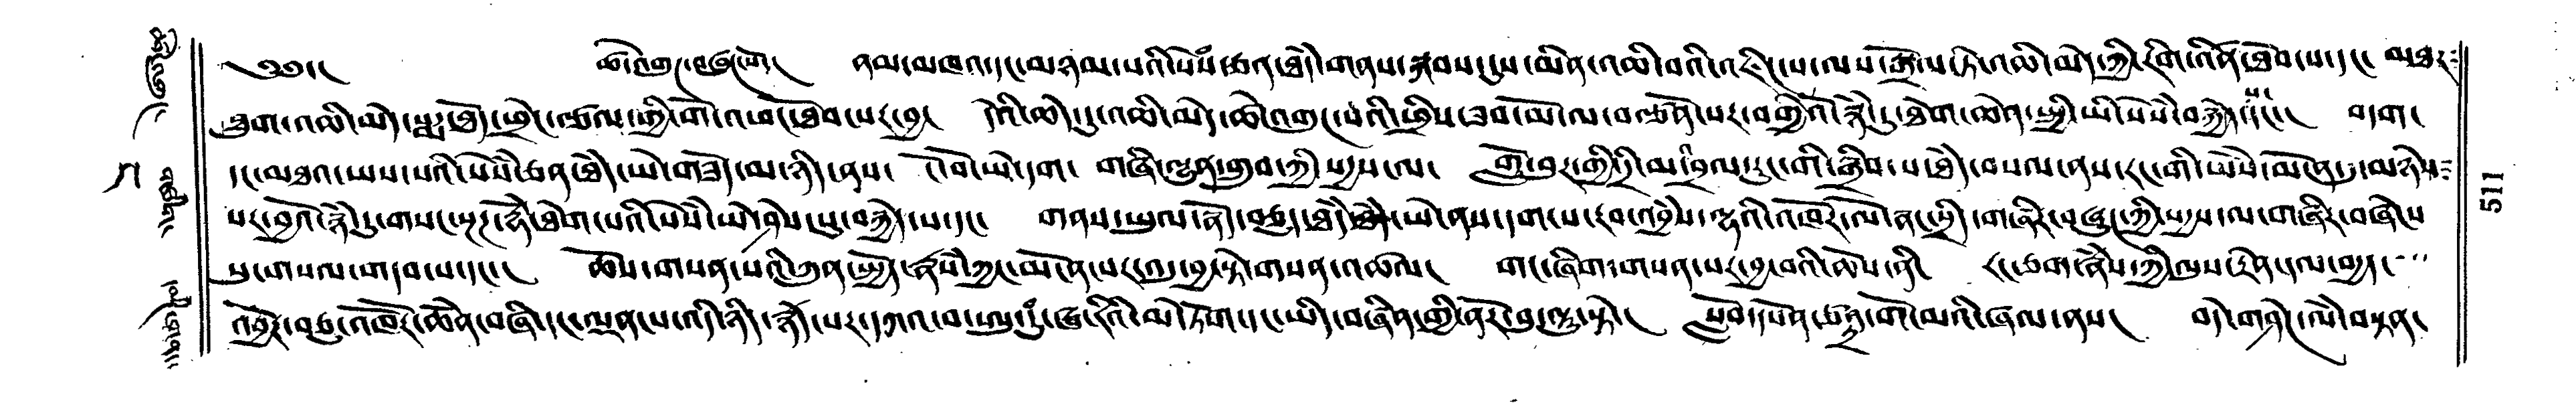༈ ཚེ་འགུགས་བཞུགས་སོ།། ནམ་མཁའ་དང་མཉམ་པའི་སེམས་ཅན་ཐམས་ཅད་གནས་སྐབས་དུས་མིན་འཆི་བའི་འཇིགས་པ་ལས་སྒྲོལ་ཏེ་འཆི་མེད་ཀྱི་རིག་འཛིན་ཐོབ་པ་དང་། མཐར་
ཐུག་འཆི་མེད་པདྨ་ཐོད་ཕྲེང་རྩལ་གྱི་གོ་འཕང་འཐོབ་པར་བྱ། དེའི་ཆེད་དུ་འཆི་མེད་ཚེ་འགུགས་པའི་ཕྲིན་ལས་ཟབ་མོ་ལ་བརྩོན་པར་བགྱིའོ་སྙམ་དུ་ཐེག་ཆེན་སྤྱི་ཡི་སེམས་བསྐྱེད་པ་དང་། བདག་
དང་མཐའ་ཡས་པའི་སེམས་ཅན་ཐམས་ཅད་ཡེ་གདོད་མ་ཉིད་ནས། ངོ་བོ་ཡེ་དག་གཞི་ལྷུན་གྲུབ་ཀྱི་སངས་རྒྱས་ལ། གློ་བུར་གྱི་དྲི་མ་འབྲལ་རུང་གི་སྒྲིབ་པ་ཐམས་ཅད་བསལ་ནས་རང་གི་ཡེ་ཤེས་མངོན་དུ་མཉེས་
པར་བྱའོ་སྙམ་དུ་གསང་སྔགས་རྡོ་རྗེ་ཐེག་པའི་སེམས་ཡེ་ཤེས་སུ་བསྐྱེད་པ་དང་། གནས་ཡུལ་སྣོད་བཅུད་ཐམས་ཅད་ཡེ་ནས་དག་པ་རབ་འབྱམས་ལྷའི་འཁོར་ལོ་སྣང་སྲིད་གཞིར་བཞུགས་ཀྱི་སངས་རྒྱས་ལ་གཞིར་བཞེངས་
སུ་གསལ་གདབ་པ་དང་། ཆོས་གསན་པའི་ཀུན་སྤྱཽད་རྣམས་ཀྱང་མངོན་པར་འདུ་བྱས་ཏེ་གསན་འཚལ། གང་ཞིག་གསན་པར་བྱ་བའི་ཆོས་ནི། རང་ཅག་རྣམས་ཀྱི་ལུས་རྟེན་དལ་བརྒྱད་
འབྱོར་བཅུ་འཁོར་ལོ་ཆེན་པོ་བཞི་དང་ལྡན་པ་འདི་ཉིད་རྙེད་པར་དཀའ་བ་ཨུ་དུཾ་ཝ་རིའི་མེ་ཏོག་དང་ཡིད་བཞིན་གྱི་ནོར་བུ་ལྟ་བུ་སྟེ། སློབ་དཔོན་ཙནྡྲ་གོ་མིའི་ཞལ་ནས། བདེ་གཤེགས་ལམ་བསྟན་